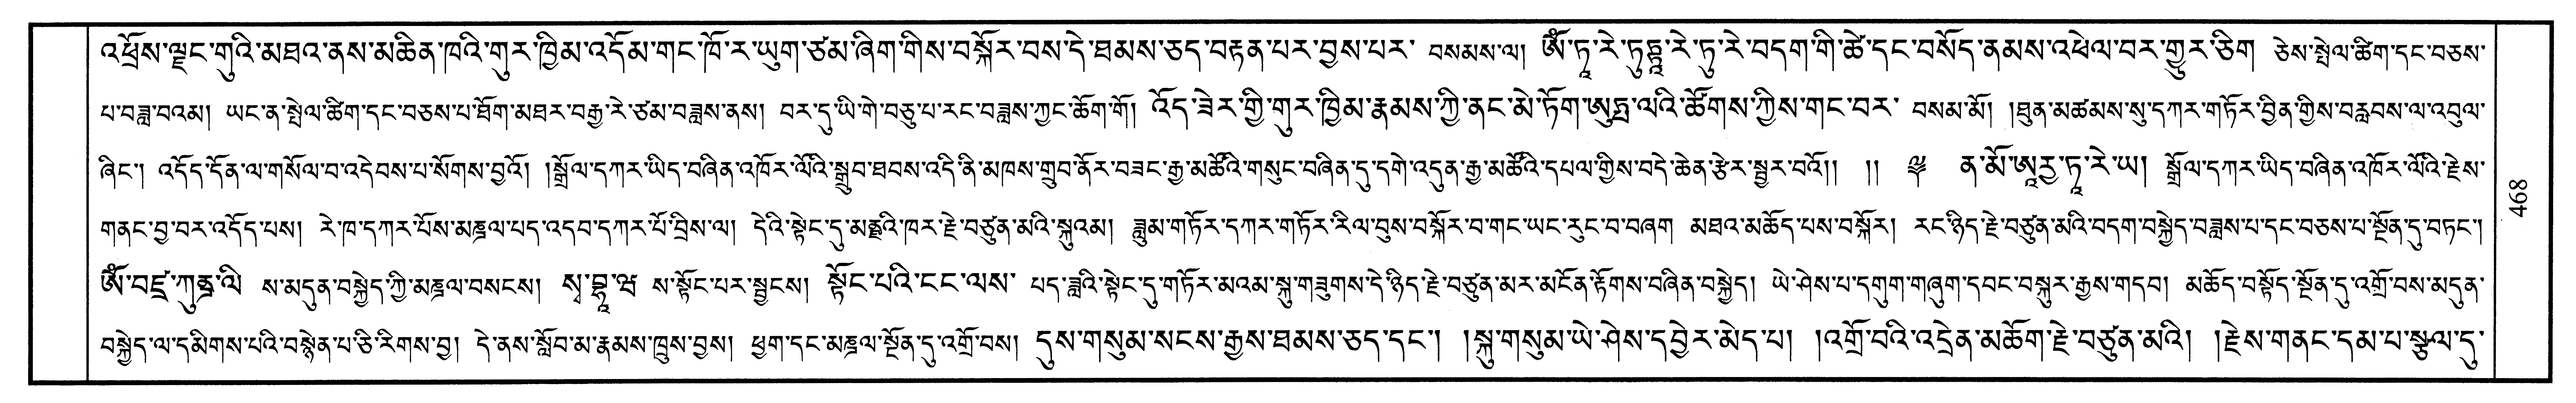འཕྲོས་ལྗང་གུའི་མཐའ་ནས་མཆིན་ཁའི་གུར་ཁྱིམ་འདོམ་གང་ཁོ་ར་ཡུག་ཙམ་ཞིག་གིས་བསྐོར་བས་དེ་ཐམས་ཅད་བརྟན་པར་བྱས་པར་བསམས་ལ། ཨོཾ་ཏཱ་རེ་ཏུཏྟཱ་རེ་ཏུ་རེ་བདག་གི་ཚེ་དང་བསོད་ནམས་འཕེལ་བར་གྱུར་ཅིག །ཅེས་སྤེལ་ཚིག་དང་བཅས་
པ་བཟླ་བའམ། ཡང་ན་སྤེལ་ཚིག་དང་བཅས་པ་ཐོག་མཐར་བརྒྱ་རེ་ཙམ་བཟླས་ནས། བར་དུ་ཡི་གེ་བཅུ་པ་རང་བཟླས་ཀྱང་ཆོག་གོ། འོད་ཟེར་གྱི་གུར་ཁྱིམ་རྣམས་ཀྱི་ནང་མེ་ཏོག་ཨུཏྤ་ལའི་ཚོགས་ཀྱིས་གང་བར་བསམ་མོ། །ཐུན་མཚམས་སུ་དཀར་གཏོར་བྱིན་གྱིས་བརླབས་ལ་འབུལ་
ཞིང་། འདོད་དོན་ལ་གསོལ་བ་འདེབས་པ་སོགས་བྱའོ། །སྒྲོལ་དཀར་ཡིད་བཞིན་འཁོར་ལོའི་སྒྲུབ་ཐབས་འདི་ནི་མཁས་གྲུབ་ནོར་བཟང་རྒྱ་མཚོའི་གསུང་བཞིན་དུ་དགེ་འདུན་རྒྱ་མཚོའི་དཔལ་གྱིས་བདེ་ཆེན་རྩེར་སྦྱར་བའོ།། །། ༈ ན་མོ་ཨཱརྱ་ཏཱ་རེ་ཡ། སྒྲོལ་དཀར་ཡིད་བཞིན་འཁོར་ལོའི་རྗེས་
གནང་བྱ་བར་འདོད་པས། རེ་ཁ་དཀར་པོས་མཎྜལ་པད་འདབ་དཀར་པོ་བྲིས་ལ། དེའི་སྟེང་དུ་མཎྜའི་ཁར་རྗེ་བཙུན་མའི་སྐུའམ། ཟླུམ་གཏོར་དཀར་གཏོར་རིལ་བུས་བསྐོར་བ་གང་ཡང་རུང་བ་བཞག །མཐའ་མཆོད་པས་བསྐོར། རང་ཉིད་རྗེ་བཙུན་མའི་བདག་བསྐྱེད་བཟླས་པ་དང་བཅས་པ་སྔོན་དུ་བཏང་།
ཨོཾ་བཛྲ་ཀུཎྜ་ལི་ས་མདུན་བསྐྱེད་ཀྱི་མཎྜལ་བསངས། སྭ་བྷཱ་ཝ་ས་སྟོང་པར་སྦྱངས། སྟོང་པའི་ངང་ལས། པད་ཟླའི་སྟེང་དུ་གཏོར་མའམ་སྐུ་གཟུགས་དེ་ཉིད་རྗེ་བཙུན་མར་མངོན་རྟོགས་བཞིན་བསྐྱེད། ཡེ་ཤེས་པ་དགུག་གཞུག་དབང་བསྐུར་རྒྱས་གདབ། མཆོད་བསྟོད་སྔོན་དུ་འགྲོ་བས་མདུན་
བསྐྱེད་ལ་དམིགས་པའི་བསྙེན་པ་ཅི་རིགས་བྱ། དེ་ནས་སློབ་མ་རྣམས་ཁྲུས་བྱས། ཕྱག་དང་མཎྜལ་སྔོན་དུ་འགྲོ་བས། དུས་གསུམ་སངས་རྒྱས་ཐམས་ཅད་དང་། །སྐུ་གསུམ་ཡེ་ཤེས་དབྱེར་མེད་པ། །འགྲོ་བའི་འདྲེན་མཆོག་རྗེ་བཙུན་མའི། །རྗེས་གནང་དམ་པ་སྩལ་དུ་